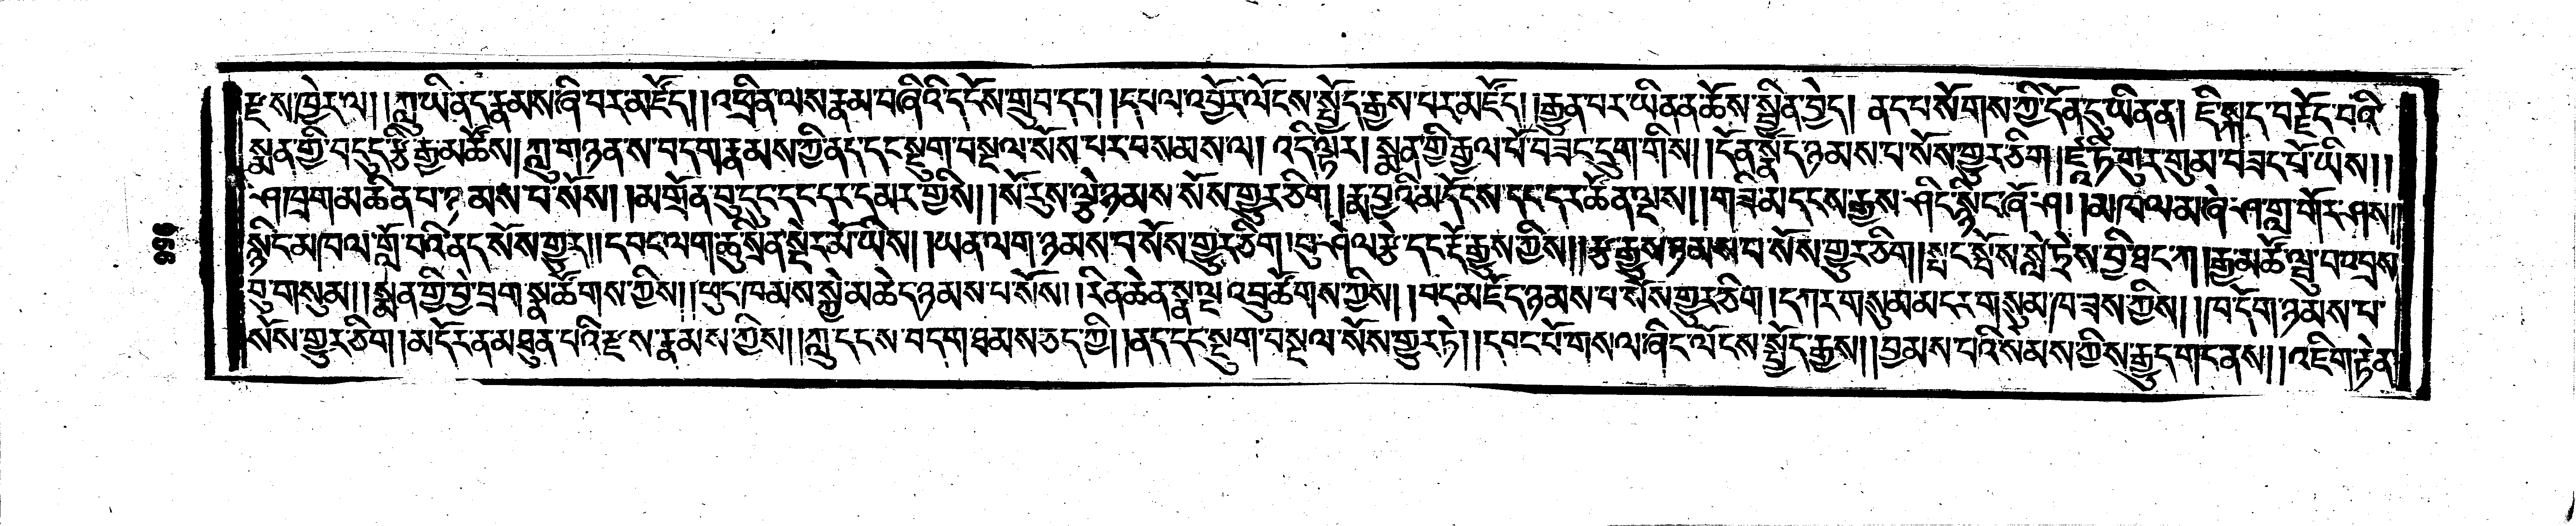རྫས་ཁྱེར་ལ། །ཀླུ་ཡི་ནད་རྣམས་ཞི་བར་མཛོད། །འཕྲིན་ལས་རྣམ་བཞིའི་དངོས་གྲུབ་དང་། །དཔལ་འབྱོར་ལོངས་སྤྱོད་རྒྱས་པར་མཛོད། །རྒྱུན་པར་ཡིན་ན་ཆོས་སྦྱིན་བྱེད། ནད་པ་སོགས་ཀྱི་དོན་དུ་ཡིན་ན། ཇི་སྐད་བརྗོད་པའི་
སྨན་གྱི་བདུད་རྩི་རྒྱ་མཚོས། ཀླུ་གཉན་ས་བདག་རྣམས་ཀྱི་ནད་དང་སྡུག་བསྔལ་སོས་པར་བསམས་ལ། འདི་ལྟར། སྨན་གྱི་རྒྱལ་པོ་བཟང་དྲུག་གིས། །དོན་སྣོད་ཉམས་པ་སོས་གྱུར་ཅིག །ཛཱ་ཏི་གུར་གུམ་བཟང་པོ་ཡིས། །
ཤ་ཁྲག་མཆིན་པ་ཉམས་པ་སོས། །མགྲོན་བུ་དུང་དང་དར་དམར་གྱིས། །སོ་རུས་ལྕེ་ཉམས་སོས་གྱུར་ཅིག །རྨ་བྱའི་མདོངས་དང་དར་ཚོན་ལྔས། །གཟིམ་དངས་རྒྱས་ཤིང་སྙིང་ཞོ་ཤ། །མཁལ་མ་ཞེ་ཤ་གླ་གོར་ཤས།
སྙིང་མཁལ་གློ་བའི་ནད་སོས་གྱུར། །དབང་ལག་ཆུ་སྲིན་སྡེར་མོ་ཡིས། །ཡན་ལག་ཉམས་པ་སོས་གྱུར་ཅིག །པུ་ཤེལ་རྩེ་དང་རྡོ་རྒྱུས་ཀྱིས། །རྩ་རྒྱུས་ཉམས་པ་སོས་གྱུར་ཅིག །སྤང་སྤོས་སླེ་ཏྲེས་བྱི་ཐང་ཀ །རྒྱ་མཚོ་ལྦུ་བ་འབྲས་
བུ་གསུམ། །སྨན་གྱི་བྱེ་བྲག་སྣ་ཚོགས་ཀྱིས། །ཕུང་ཁམས་སྐྱེ་མཆེད་ཉམས་པ་སོས། །རིན་ཆེན་སྣ་ལྔ་འབྲུ་ཚོགས་ཀྱིས། །བང་མཛོད་ཉམས་པ་སོས་གྱུར་ཅིག །དཀར་གསུམ་མངར་གསུམ་ཁ་ཟས་ཀྱིས། །ཁ་དོག་ཉམས་པ་
སོས་གྱུར་ཅིག །མདོར་ན་མཐུན་པའི་རྫས་རྣམས་ཀྱིས། །ཀླུ་དང་ས་བདག་ཐམས་ཅད་ཀྱི། །ནད་དང་སྡུག་བསྔལ་སོས་གྱུར་ཏེ། །དབང་པོ་གསལ་ཞིང་ལོངས་སྤྱོད་རྒྱས། །བྱམས་པའི་སེམས་ཀྱིས་རྒྱུད་གང་ནས། །འཇིག་རྟེན་